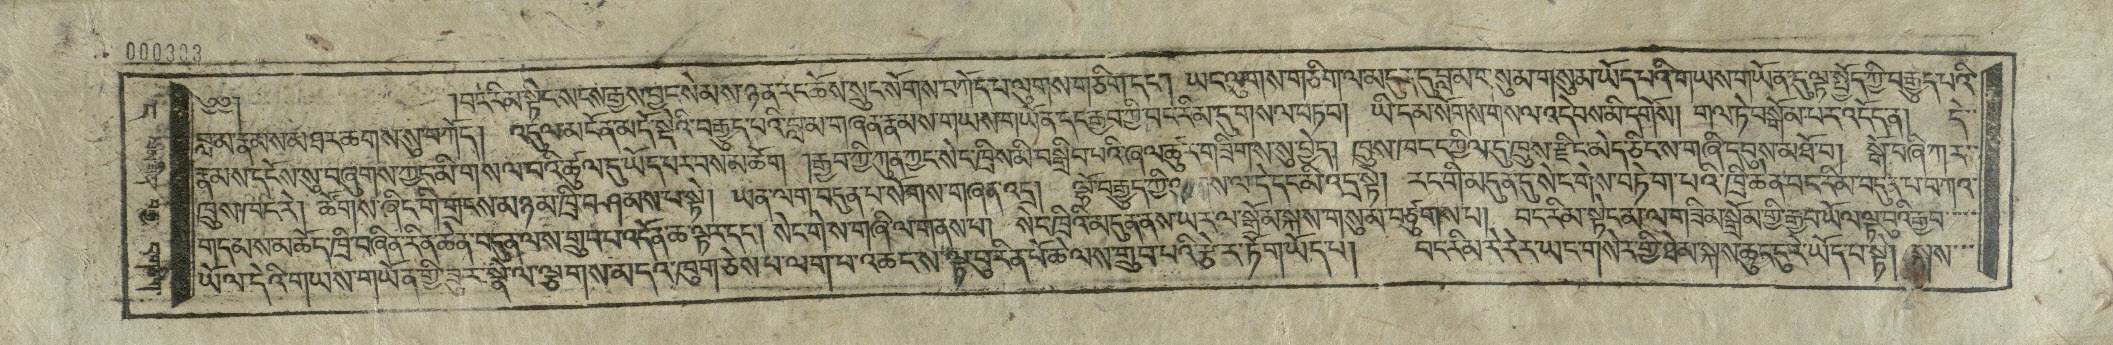༄༅། །བང་རིམ་སྟེང་སངས་རྒྱས་བྱང་སེམས་ཉན་རང་ཆོས་སྲུང་སོགས་བཀོད་པ་ལུགས་གཅིག་དང་། ཡང་ལུགས་གཅིག་ལ་མདུན་དུ་བླ་མ་གསུམ་གསུམ་ཡོད་པའི་གཡས་གཡོན་དུ་ལྟ་སྤྱོད་ཀྱི་བརྒྱུད་པའི་
བླ་མ་རྣམས་མཐར་ཆགས་སུ་བཀོད། འདུལ་མངོན་མདོ་སྡེའི་བརྒྱུད་པའི་བླ་མ་གཞན་རྣམས་གཡས་གཡོན་དང་རྒྱབ་ཀྱི་བང་རིམ་དུ་གསལ་བཏབ། ཡི་དམ་སོགས་གསལ་འདེབས་མི་དགོས། གལ་ཏེ་བསྒོམ་པར་འདོད་ན། དེ་
རྣམས་དངོས་སུ་བཞུགས་ཀྱང་མི་གསལ་བའི་ཚུལ་དུ་ཡོད་པར་བསམ་ཆོག །རྒྱབ་ཀྱི་ཀུན་ཀྱང་སེང་ཁྲིས་མི་བསྒྲིབ་པའི་ཞལ་ཚུར་གཟིགས་སུ་བྱེད། ཁྲུས་ཁང་དཀྱིལ་དུ་ཁྲུས་རྫིང་མེད་ཅིང་ས་གཞི་དབུས་མཐོ་བ། སྒོ་བཞི་ཀར་
ཁྲུས་ཁང་རེ། ཚོགས་ཞིང་གི་གྲངས་མཉམ་ཁྲི་བཤམས་པ་སྟེ། ཡན་ལག་བདུན་པ་སོགས་གཞན་འདྲ། ལྷོ་བརྒྱུད་ཀྱི་ལུགས་ལ་དེ་དང་མི་འདྲ་སྟེ། རང་གི་མདུན་དུ་སེང་གེས་བཏེག་པའི་ཁྲི་ཆེན་བང་རིམ་བདུན་པ་བཀའ་
གདམས་མཆོད་ཁྲི་བཞིན་རིན་ཆེན་བདུན་ལས་གྲུབ་པ་འདོན་ཆ་ལྟར་དང་། སེང་གེ་ས་གཞི་ལ་གནས་པ། སེང་ཁྲིའི་མདུན་ནས་ཡར་ལ་སྒྲོམ་སྐས་གསུམ་བཙུགས་པ། བང་རིམ་སྟེང་མ་ལ་གཟིམ་སྒྲོམ་གྱི་རྒྱབ་ཡོལ་ལྟ་བུའི་རྒྱབ་
ཡོལ་དེའི་གཡས་གཡོན་གྱི་ཟུར་སྣེ་ལ་ལྕགས་མདའ་ཁུག་ཅེས་པ་ལག་པ་འཆང་ས་ལྟ་བུ་རིན་པོ་ཆེ་ལས་གྲུབ་པའི་རྩེར་ཏོག་ཡོད་པ། བང་རིམ་རེ་རེར་ཡང་གསེར་གྱི་ཐེམ་སྐས་ཆུང་ངུ་རེ་ཡོད་པ་སྟེ། སྐས་